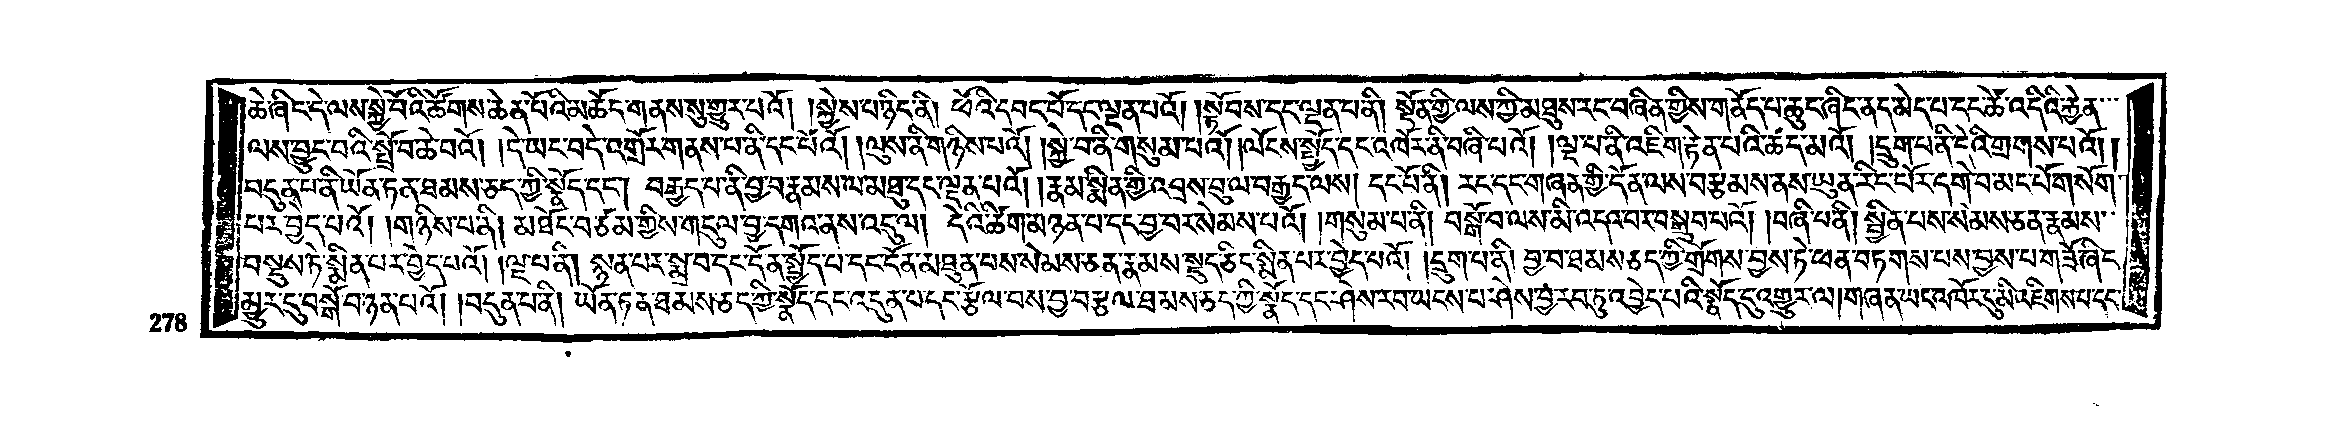ཆེ་ཞིང་དེ་ལས་སྐྱེ་བོའི་ཚོགས་ཆེན་པོའི་མཆོད་གནས་སུ་གྱུར་པའོ། །སྐྱེས་པ་ཉིད་ནི། ཕོའི་དབང་པོ་དང་ལྡན་པའོ། །སྟོབས་དང་ལྡན་པ་ནི། སྔོན་གྱི་ལས་ཀྱི་མཐུས་རང་བཞིན་གྱིས་གནོད་པ་ཆུང་ཞིང་ནད་མེད་པ་དང་ཚེ་འདིའི་རྐྱེན་
ལས་བྱུང་བའི་སྤྲོ་བ་ཆེ་བའོ། །དེ་ཡང་བདེ་འགྲོར་གནས་པ་ནི་དང་པོའོ། །ལུས་ནི་གཉིས་པའོ། །སྐྱེ་བ་ནི་གསུམ་པའོ། །ལོངས་སྤྱོད་དང་འཁོར་ནི་བཞི་པའོ། །ལྔ་པ་ནི་འཇིག་རྟེན་པའི་ཚད་མའོ། །དྲུག་པ་ནི་དེའི་གྲགས་པའོ། །
བདུན་པ་ནི་ཡོན་ཏན་ཐམས་ཅད་ཀྱི་སྣོད་དང་། བརྒྱད་པ་ནི་བྱ་བ་རྣམས་ལ་མཐུ་དང་ལྡན་པའོ། །རྣམ་སྨིན་གྱི་འབྲས་བུ་ལ་བརྒྱད་ལས། དང་པོ་ནི། རང་དང་གཞན་གྱི་དོན་ལས་བརྩམས་ནས་ཡུན་རིང་པོར་དགེ་བ་མང་པོ་གསོག་
པར་བྱེད་པའོ། །གཉིས་པ་ནི། མཐོང་བ་ཙམ་གྱིས་གདུལ་བྱ་དགའ་ནས་འདུལ། དེའི་ཚིག་མཉན་པ་དང་བྱ་བར་སེམས་པའོ། །གསུམ་པ་ནི། བསྒོ་བ་ལས་མི་འདའ་བར་བསྒྲུབ་པའོ། །བཞི་པ་ནི། སྦྱིན་པས་སེམས་ཅན་རྣམས་
བསྡུས་ཏེ་སྨིན་པར་བྱེད་པའོ། །ལྔ་པ་ནི། སྙན་པར་སྨྲ་བ་དང་དོན་སྤྱོད་པ་དང་དོན་མཐུན་པས་སེམས་ཅན་རྣམས་སྡུད་ཅིང་སྨིན་པར་བྱེད་པའོ། །དྲུག་པ་ནི། བྱ་བ་ཐམས་ཅད་ཀྱི་གྲོགས་བྱས་ཏེ་ཕན་བཏགས་པས་བྱས་པ་གཟོ་ཞིང་
མྱུར་དུ་བསྒོ་བ་ཉན་པའོ། །བདུན་པ་ནི། ཡོན་ཏན་ཐམས་ཅད་ཀྱི་སྣོད་དང་འདུན་པ་དང་རྩོལ་བས་བྱ་བརྩལ་ཐམས་ཅད་ཀྱི་སྣོད་དང་ཤེས་རབ་ཡངས་པ་ཤེས་བྱ་རབ་ཏུ་འབྱེད་པའི་སྣོད་དུ་འགྱུར་ལ། གཞན་ཡང་འཁོར་དུ་མི་འཇིགས་པ་དང་